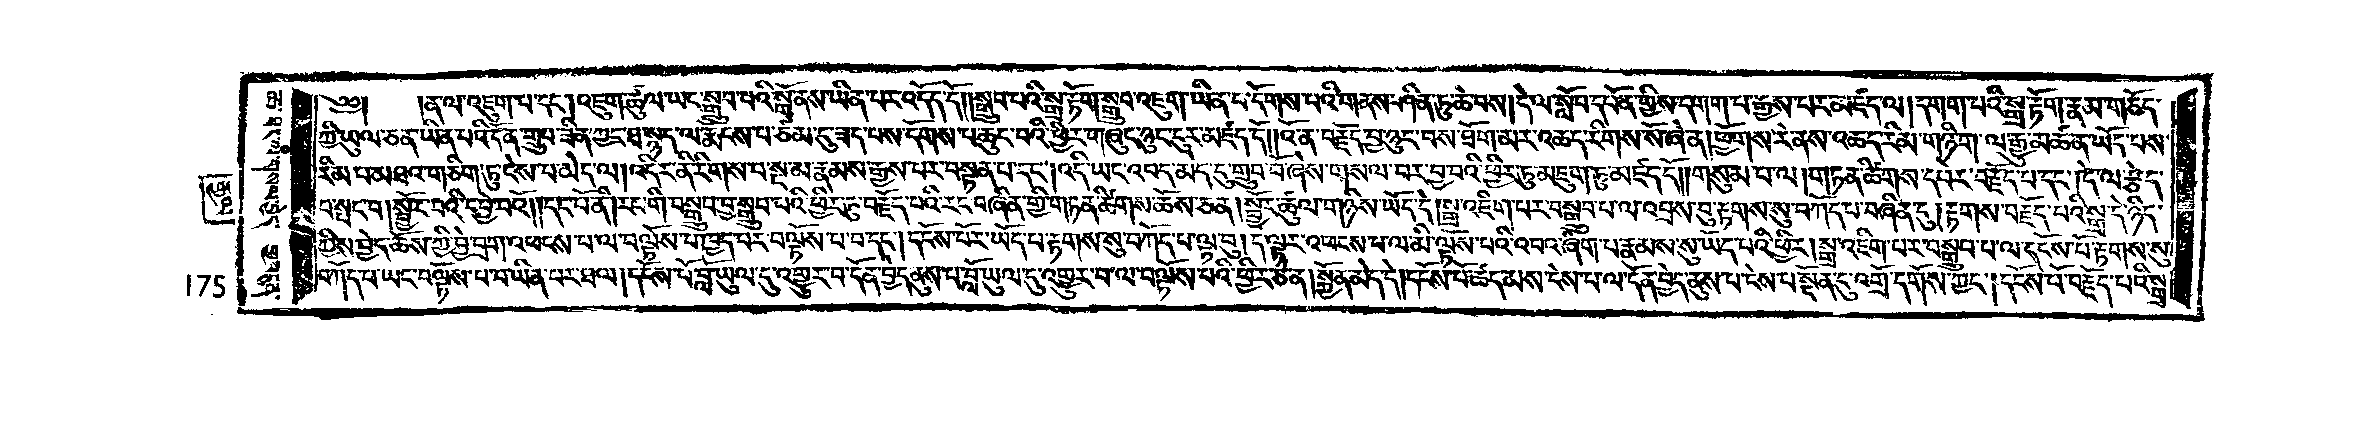༄༅། །ན་ལ་འཇུག་པ་དང་། འཇུག་ཚུལ་ཡང་སྒྲུབ་པའི་སྒོ་ནས་ཡིན་པར་འདོད་དོ། །སྒྲུབ་པའི་སྒྲ་རྟོག་སྒྲུབ་འཇུག་ཡིན་པ་དོགས་པའི་གནས་ཤིན་ཏུ་ཆེ་བས། དེ་ལ་སློབ་དཔོན་གྱིས་དགག་པ་རྒྱས་པར་མཛད་ལ། དགག་པའི་སྒྲ་རྟོག་རྣམ་གཅོད་
ཀྱི་ཡུལ་ཅན་ཡིན་པའི་དོན་གྲུབ་ཟིན་ཀྱང་ཐ་སྙད་ལ་རྨོངས་པ་ཙམ་དུ་ཟད་པས་དོགས་པ་ཆུང་བའི་ཕྱིར་གཞུང་ཉུང་ངུར་མཛད་དོ། །འོ་ན་བརྗོད་བྱ་ཉུང་བས་ཐོག་མར་འཆད་རིགས་སོ་ཞེ་ན། ཕྱོགས་རེ་ནས་འཆད་རིམ་གཉི་ག་ལ་རྒྱུ་མཚན་ཡོད་པས་
རིམ་པ་མཐའ་གཅིག་ཏུ་ངེས་པ་མེད་ལ། འདིར་ནི་རིགས་པ་སྔ་མ་རྣམས་རྒྱས་པར་བསྟན་པ་དང་། འདི་ཡང་འབད་མེད་དུ་གྲུབ་བོ་ཞེས་གསལ་བར་བྱ་བའི་ཕྱིར་ཏུ་མཇུག་ཏུ་མཛད་དོ། །གསུམ་པ་ལ། གཏན་ཚིགས་དཔེར་བརྗོད་པ་དང་། དེ་ལ་རྩེད་
བ་སྤང་བ། སྦྱོར་བའི་དབྱེ་བའོ། །དང་པོ་ནི། རང་གི་བསྒྲུབ་བྱ་སྒྲུབ་པའི་ཕྱིར་ཏུ་བརྗོད་པའི་རང་བཞིན་གྱི་གཏན་ཚིགས་ཆོས་ཅན། སྦྱོར་ཚུལ་གཉིས་ཡོད་དེ། སྒྲ་འཇིག་པར་བསྒྲུབ་པ་ལ་འབྲས་བུ་རྟགས་སུ་བཀོད་པ་བཞིན་དུ། རྟགས་བརྗོད་པའི་སྒྲ་དེ་ཉིད་
ཀྱིས་བྱེད་ཆོས་ཀྱི་བྱེ་བྲག་འཕངས་པ་ལ་བལྟོས་པ་ཁྱད་པར་བལྟོས་པ་བ་དང་། དངོས་པོར་ཡོད་པ་རྟགས་སུ་བཀོད་པ་ལྟ་བུ། དེ་ལྟར་འཕངས་པ་ལ་མི་ལྟོས་པའི་འབའ་ཞིག་པ་རྣམས་སུ་ཡོད་པའི་ཕྱིར། སྒྲ་འཇིག་པར་བསྒྲུབ་པ་ལ་དངོས་པོ་རྟགས་སུ་
བཀོད་པ་ཡང་བལྟོས་པ་བ་ཡིན་པར་ཐལ། དངོས་པོ་བློ་ཡུལ་དུ་འགྱུར་བ་དོན་བྱེད་ནུས་པ་བློ་ཡུལ་དུ་འགྱུར་བ་ལ་བལྟོས་པའི་ཕྱིར་ཅེ་ན། སྐྱོན་མེད་དེ། དངོས་པོ་ཚད་མས་ངེས་པ་ལ་དོན་བྱེད་ནུས་པ་ངེས་པ་སྔོན་དུ་འགྲོ་དགོས་ཀྱང་། དངོས་པོ་བརྗོད་པའི་སྒྲ་